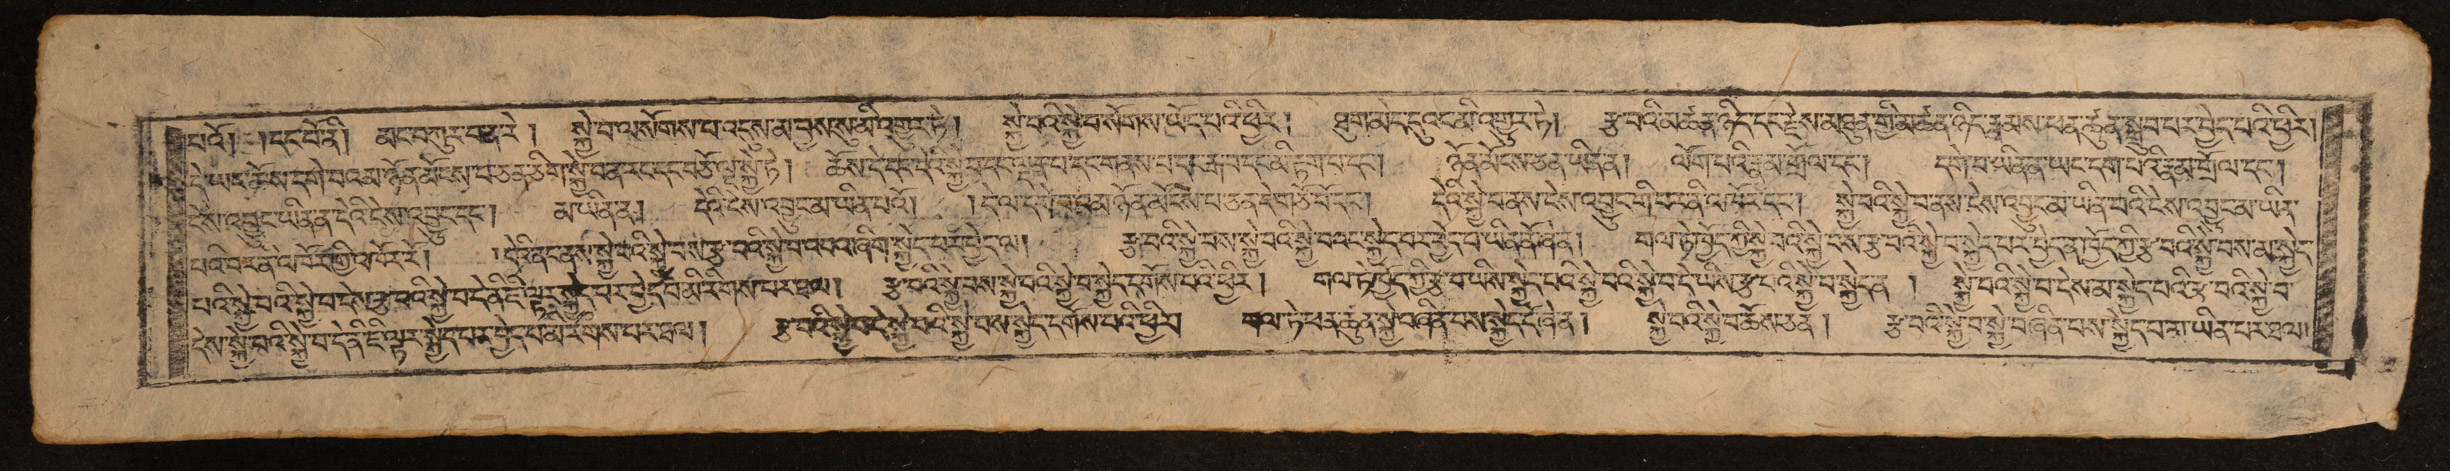པའོ། །དང་པོ་ནི། མང་བཀུར་བ་ན་རེ། སྐྱེ་བ་ལ་སོགས་པ་འདུས་མ་བྱས་སུ་མི་འགྱུར་ཏེ། སྐྱེ་བའི་སྐྱེ་བ་སོགས་ཡོད་པའི་ཕྱིར། ཐུག་མེད་དུའང་མི་འགྱུར་ཏེ། རྩ་བའི་མཚན་ཉིད་དང་རྗེས་མཐུན་གྱི་མཚན་ཉིད་རྣམས་ཕན་ཚུན་སྒྲུབ་པར་བྱེད་པའི་ཕྱིར།
དེ་ཡང་ཆོས་དགེ་བའམ་ཉོན་མོངས་པ་ཅན་ཅིག་སྐྱེ་བ་ན་རང་དང་བཅོ་ལྔ་སྐྱེས་ཏེ། ཆོས་དེ་དང་དེའི་སྐྱེ་བ་དང་ལྡན་པ་དང་གནས་པ་དང་རྒ་བ་དང་མི་རྟག་པ་དང་། ཉོན་མོངས་ཅན་ཡིན་ན། ལོག་པའི་རྣམ་གྲོལ་དང་། དགེ་བ་ཡིན་ན་ཡང་དག་པའི་རྣམ་གྲོལ་དང་།
ངེས་འབྱུང་ཡིན་ན་དེའི་ངེས་འབྱུང་དང་། མ་ཡིན་ན། དེའི་ངེས་འབྱུང་མ་ཡིན་པའོ། །དེ་ལ་དགེ་བ་འམ་ཉོན་མོངས་པ་ཅན་དེ་གཙོ་བོ་དང་། དེའི་སྐྱེ་བ་ནས་ངེས་འབྱུང་གི་བར་ནི་འཁོར་དང་། སྐྱེ་བའི་སྐྱེ་བ་ནས་ངེས་འབྱུང་མ་ཡིན་པའི་ངེས་འབྱུང་མ་ཡིན་
བའི་བར་ནི་འཁོར་གྱི་འཁོར་རོ། །དེའི་ནང་ནས་སྐྱེ་བའི་སྐྱེ་བས་རྩ་བའི་སྐྱེ་བ་འབའ་ཞིག་སྐྱེད་པར་བྱེད་ལ། རྩ་བའི་སྐྱེ་བས་སྐྱེ་བའི་སྐྱེ་བའང་སྐྱེད་པར་བྱེད་པ་ཡིན་ནོ་ཞེ་ན། གལ་ཏེ་ཁྱོད་ཀྱི་སྐྱེ་བའི་སྐྱེ་བས་རྩ་བའི་སྐྱེ་བ་སྐྱེད་པར་བྱེད་ན་ཁྱོད་ཀྱི་རྩ་བའི་སྐྱེ་བས་མ་སྐྱེད་
པའི་སྐྱེ་བའི་སྐྱེ་བ་དེས་རྩ་བའི་སྐྱེ་བ་དེ་ནི་ཇི་ལྟར་སྐྱེད་པར་བྱེད་པ་མི་རིགས་པར་ཐལ། རྩ་བའི་སྐྱེ་བས་སྐྱེ་བའི་སྐྱེ་བ་སྐྱེད་དགོས་པའི་ཕྱིར། གལ་ཏེ་ཁྱོད་ཀྱི་རྩ་བ་ཡིས་སྐྱེད་པའི་སྐྱེ་བ་དེ་ཡིས་རྩ་བའི་སྐྱེ་བ་སྐྱེད་ན། སྐྱེ་བའི་སྐྱེ་བ་དེས་མ་སྐྱེད་པའི་རྩ་བའི་སྐྱེ་བ་
དེས་སྐྱེ་བའི་སྐྱེ་བ་དེ་ནི་ཇི་ལྟར་སྐྱེད་པར་བྱེད་པ་མི་རིགས་པར་ཐལ། རྩ་བའི་སྐྱེ་བ་དེ་སྐྱེ་བའི་སྐྱེ་བས་སྐྱེད་དགོས་པའི་ཕྱིར། གལ་ཏེ་ཕན་ཚུན་སྐྱེ་བཞིན་པས་སྐྱེད་དོ་ཞེ་ན། སྐྱེ་བའི་སྐྱེ་བ་ཆོས་ཅན། རྩ་བའི་སྐྱེ་བཞིན་པས་སྐྱེད་པ་མ་ཡིན་པར་ཐལ།